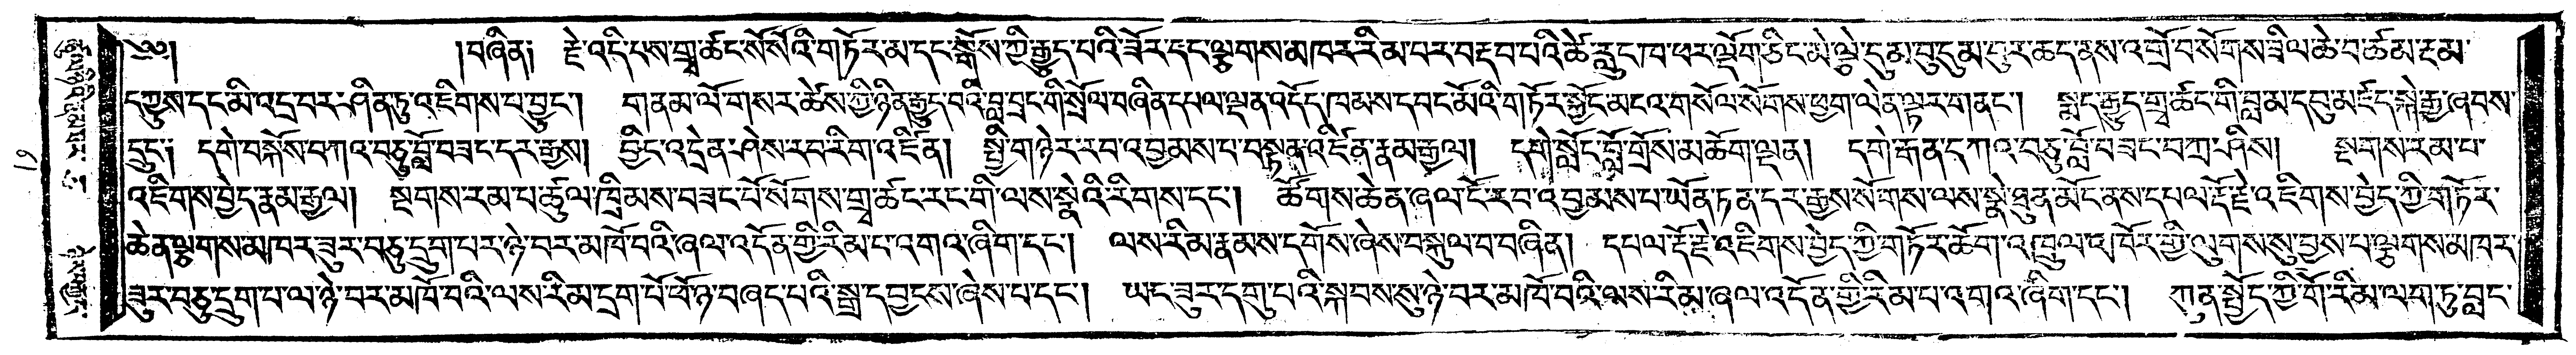༄༅། །བཞིན༑ རྗེ་འདི་བས་གྲྭ་ཚང་སོ་སོའི་གཏོར་མ་དང་སོགས་ཀྱི་རྒྱུད་པའི་ཟོར་དང་ལྕགས་མཁར་རིམ་པར་བརྡབ་པའི་ཚེ་རླུང་ཁ་ཕར་ལྡོག་ཅིང་མེ་ལྕེ་དུ་མ་བུ་དུམ་བུར་ཆད་ནས་འགྲོ་བ་སོགས་ཟིལ་ཆེ་བ་ཚམ་རྔ་མ་
དཀྱུས་དང་མི་འདྲ་བར་ཤིན་ཏུ་འཇིགས་པ་བྱུང་། གནམ་ལོ་གསར་ཚེས་ཀྱི་ཉིན་རྒྱུད་པའི་བླ་བྲང་གི་སྲོལ་བཞིན་དཔལ་ལྡན་འདོད་ཁམས་དབང་མོའི་གཏོར་སྐྱོང་མངའ་གསོལ་སོགས་ཕྱག་ལེན་ལྟར་གནང་། སྨད་རྒྱུད་གྲྭ་ཚར་གི་བླ་མ་དབུ་མཛད་སྐེ་རྒྱ་ཞབས་
དྲུང་། དགེ་བསྐོས་བཀའ་བཅུ་བློ་བཟང་དར་རྒྱས། བྱིང་འདྲེན་ཤེས་རབ་རིག་འཛིན། སྤྱི་གཉེར་རབ་འབྱམས་པ་བསྟན་འཛིན་རྣམས་རྒྱལ། དགེ་སློང་བློ་གྲོས་མཆོག་ལྡན། དགེ་རྒན་དཀའ་བཅུ་བློ་བཟང་བཀྲ་ཤིས། སྔགས་རམ་བ་
འཇིགས་བྱེད་རྣམ་རྒྱལ། སྔགས་རམ་པ་ཚུལ་ཁྲིམས་བཟང་པོ་སོགས་གྲྭ་ཚང་རང་གི་ལས་སྣེའི་རིགས་དང་། ཚོགས་ཆེན་ཞལ་ངོ་རབ་འབྱམས་པ་ཡོན་ཏན་དར་རྒྱས་སོགས་ལས་སྣེ་ཐུན་མོང་ནས་དཔལ་རྡོ་རྗེ་འཇིགས་བྱེད་ཀྱི་གཏོར་
ཆེན་ལྕགས་མཁར་ཟུར་བཅུ་དྲུག་པར་ཉེ་བར་མཁོ་བའི་ཞལ་འདོན་གྱི་རིམ་པ་འགའ་ཞིག་དང་། ལས་རིམ་རྣམས་དགོས་ཞེས་བསྐུལ་བ་བཞི། དཔལ་རྡོ་རྗེ་འཇིགས་བྱེད་ཀྱི་གཏོར་ཆོག་འཁྲུལ་འཁོར་གྱི་ལུགས་སུ་བྱས་པ་ལྕགས་མཁར་
ཟུར་བཅུ་དྲུག་བ་ལ་ཉེ་བར་མཁོ་བའི་ལས་རིམ་དྲག་པོ་ཕོ་ཉ་བཞད་པའི་སྒྲ་དབྱངས་ཞེས་པ་དང་། ཡང་ཟུར་དགུ་པའི་སྐབས་སུ་ཉེ་བར་མཁོ་བའི་ལས་རིམ་ཞལ་འདོན་གྱི་རིམ་བ་འགའ་ཞིག་དང་། ཀུན་སྤྱོད་ཀྱི་གོ་རིམ་ལག་ཏུ་བླང་